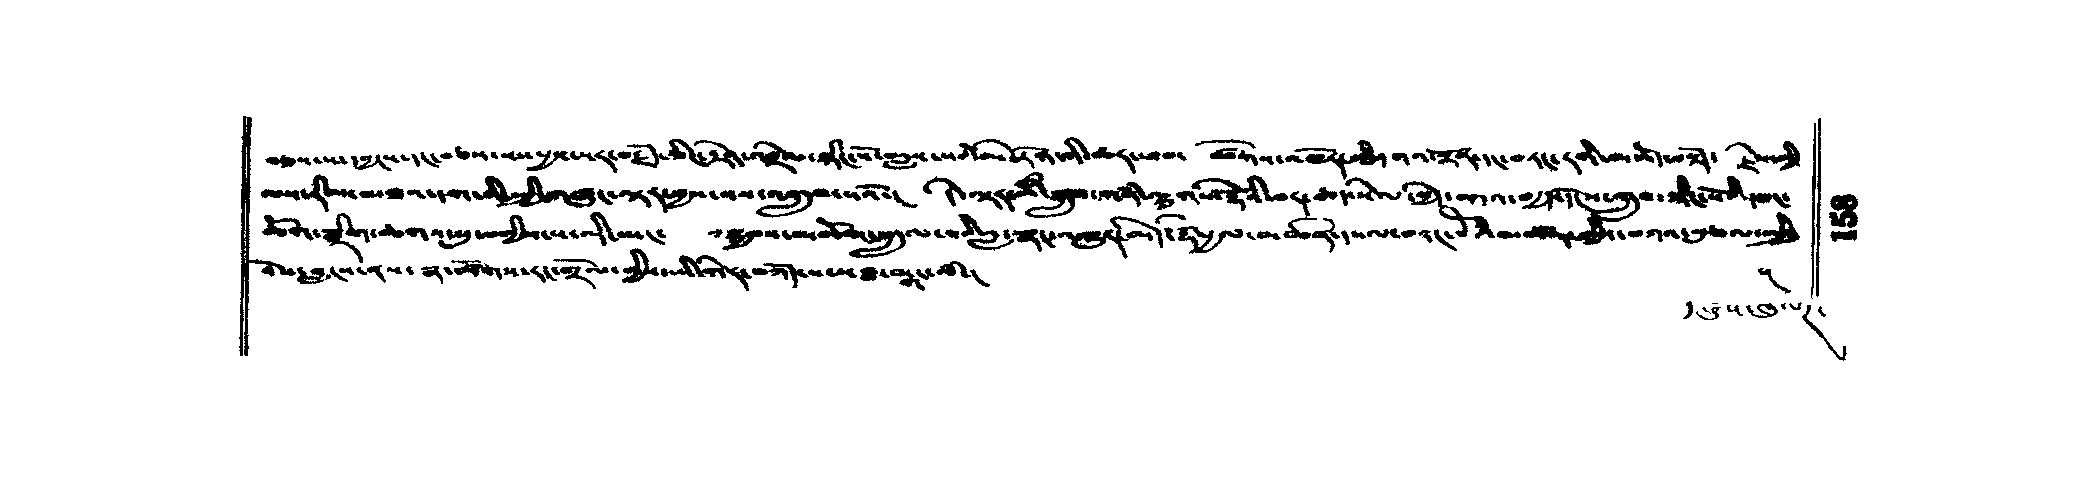བཅས་པ་དབྱངས་དང་བཅས་པས་རྒྱས་པར་བརྗོད་ཅིང་རྟེན་འབྲེལ་སྙིང་པོ་བཟླས་པའི་མེ་ཏོག་གི་ཆར་བབ། ཚོགས་འཁོར་གྱི་དགའ་སྟོན་དང་བཏང་རག་གི་མཆོད་བསྟོད། རྗེས་ཀྱི་
ལས་རིམ་མཐའ་དག་གི་སྤྱི་གཞུང་ལྟར་བྱས་པས་འགྲུབ་པའོ། དེ་ལྟར་ཚེ་སྒྲུབ་གནམ་ལྕགས་རྡོ་རྗེའི་བར་ཆད་སེལ་བྱེད་བཀའ་བརྒྱད་དངོས་གྲུབ་སྙིང་པོའི་དབང་
ཆོག་སྒྲིག་ཆགས་སུ་བགྱིས་པ་འདི་ཡང་། སྐྱབས་མཆོག་སྤྲུལ་མཔའི་ཟླ་སྣང་འགྱུར་མེད་རྡོ་རྗེ་རྒྱལ་མཚན་དལ་བཟང་པོའི་མཚན་གྱིས་བཀའ་རྩལ་སྤྱི་
བོས་བླངས་ནས་སྣ་ཚོགས་རང་གྲོལ་གྱིས་ཡི་གེར་བཀོད་པ་སརྦ་མངྒ་ལཾ།།